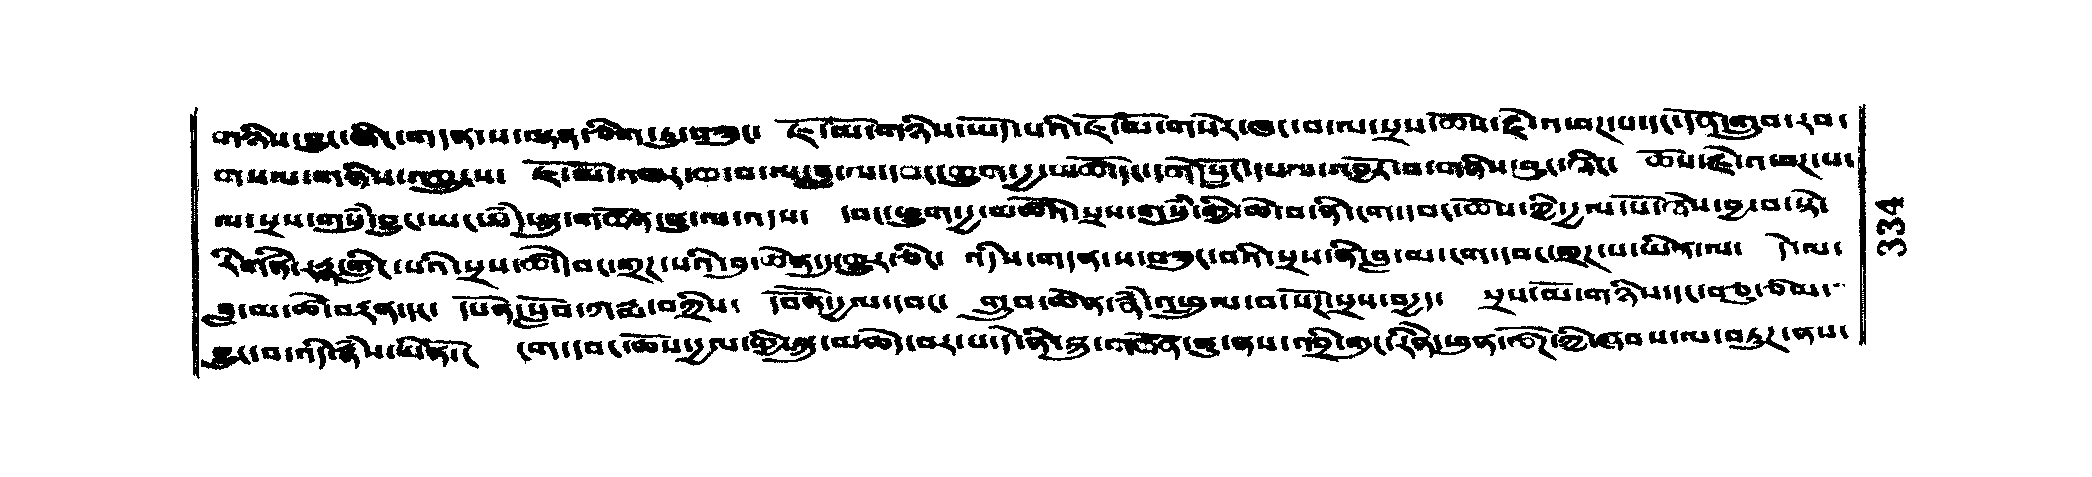གཉིས་བྱུང་ཞིང་གདན་ས་ལྷན་ཅིག་ཏུ་བཟུང་། ཇོ་མོ་གཉིས་ཡོད་པའི་ཇོ་མོ་གསེར་ཁང་བ་ལ་སྲས་ཆོས་རྗེ་འཕགས་པ་དང་དོན་གྲུབ་རབ་
གསལ་གཉིས་འཁྲུངས། ཇོ་མོ་འཁར་ཁ་བ་ལ་བླ་མ་དབང་ཕྱུག་རྒྱ་མཚོ་དང་དགེ་སློང་དཔལ་འབྱོར་བ་གཉིས་བྱུང་ཞིང་།ཆོས་རྗེ་འཕགས་པ་
ལ་སྲས་གསུམ་བྱུང་ཡང་ཐམས་ཅད་སྐུ་གཞོན་ནུ་ལ་འདས། དབང་ཕྱུག་རྒྱ་མཚོའི་སྲས་གསུམ་གྱི་ཆེ་བ་ནི་ངག་དབང་ཆོས་ཀྱི་རྒྱལ་པོ་ཞེས་བྱ་བ་སྟེ། 
རིག་འཛིན་རཏྣ་གླིང་པའི་སྲས་ཚེ་དབང་གྲགས་པའི་བུ་ཆེན་དུ་གྱུར་ཅིང་། འདིས་གདན་ས་བཟུང་བའི་སྲས་ནི་བླ་མ་ངག་དབང་གྲགས་པ་ཡིན་ལ། དེ་ལས་
བླ་མ་ཚེ་བརྟན་དང་། དཔོན་སློབ་ཀརྨ་བཀྲ་ཤིས། དབོན་པོ་རྒྱལ་དབང་། གྲུབ་ཆེན་རྣམ་འཕྲུལ་བ་སོགས་སྲས་བརྒྱད། སྲས་མོ་གཉིས་དང་བཅུ་ཙམ་
བྱུང་བ་འདི་རྣམས་ཡིན་ནོ། ངག་དབང་ཆོས་རྒྱལ་གྱི་སྐུ་མཆེད་བར་པ་དེ་ནི་སྐུ་གཞོན་ནུ་ནས་འབྲི་གུང་རིན་ཆེན་ཕུན་ཚོགས་ཀྱི་ཞབས་ལ་བཏུགས་ནས་